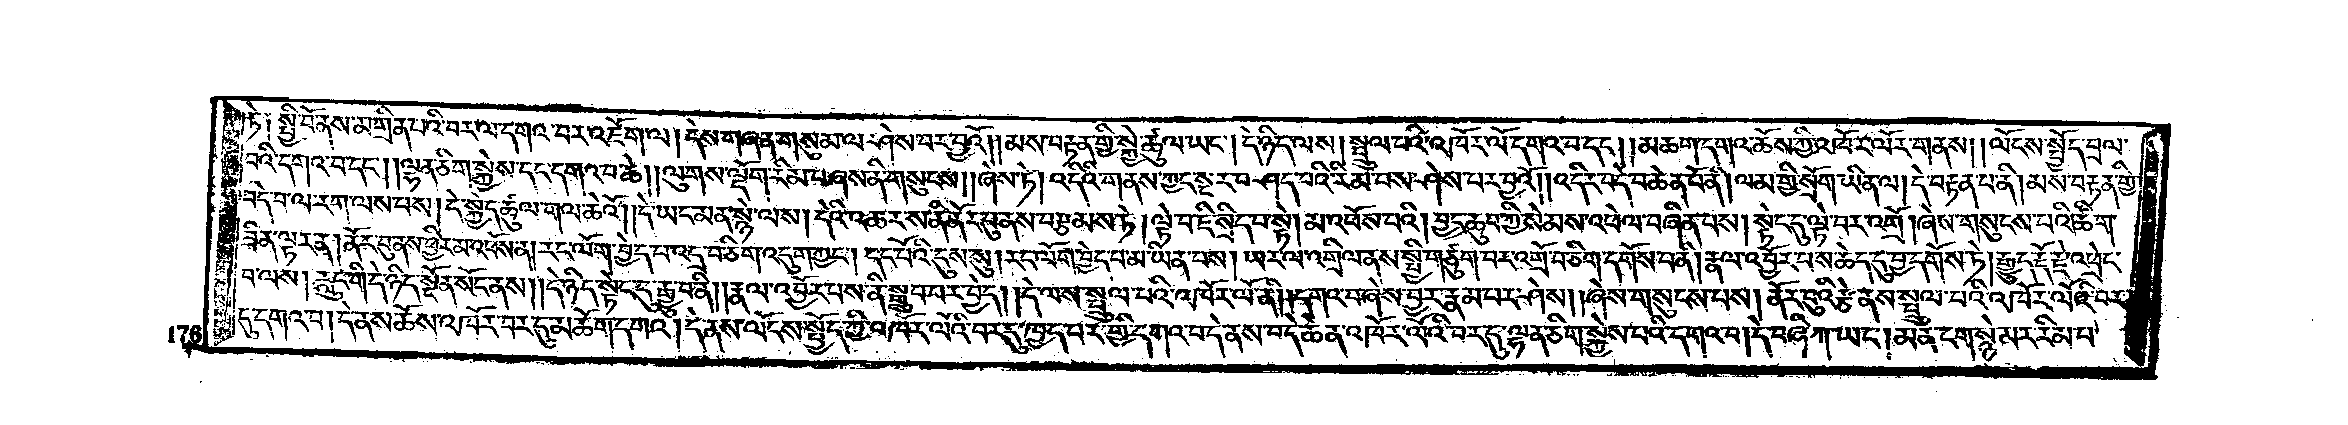ཏེ། སྤྱི་བོ་ནས་མགྲིན་པའི་བར་ལ་དགའ་བར་འཇོག་ལ། དེས་གཞན་གསུམ་ལ་ཤེས་པར་བྱའོ། །མས་བརྟན་གྱི་སྐྱེ་ཚུལ་ཡང་། དེ་ཉིད་ལས། སྤྲུལ་པའི་འཁོར་ལོ་དགའ་བ་དང་། །མཆོག་དགའ་ཆོས་ཀྱི་འཁོར་ལོར་གནས། །ལོངས་སྤྱོད་བྲལ་
བའི་དགའ་བ་དང་། །ལྷན་ཅིག་སྐྱེས་དང་དགའ་བ་ཆེ། །ལུགས་ལྡོག་རིམ་པ་ཞས་ནི་གསུངས། །ཞེས་ཏེ། འདིའི་གནས་ཀྱང་སྔར་བཤད་པའི་རིམ་པས་ཤེས་པར་བྱའོ། །འདིར་བདེ་བ་ཆེན་པོ་ནི། ལམ་གྱི་སྲོག་ཡིན་ལ། དེ་བརྟན་པ་ནི། མས་བརྟན་གྱི་
བདེ་བ་ལ་རག་ལས་པས། དེ་སྐྱེད་ཚུལ་གལ་ཆེའོ། །དེ་ཡང་མན་སྙེ་ལས། དེའི་འཆར་ས་ནི་ནོར་བུ་ནས་བརྩམས་ཏེ། ལྟེ་བ་ཇི་སྲིད་པ་སྟེ། མ་འཕོས་པའི། བྱང་ཆུབ་ཀྱི་སེམས་འཕེལ་བཞིན་པས། སྟེང་དུ་ལྟེ་བར་འགྲོ། ཞེས་གསུངས་པའི་ཚིག་
ཟིན་ལྟར་ན། ནོར་བུ་ནས་ཕྱིར་མ་འཕོས་ན། རང་ལོག་བྱེད་པ་འདྲ་བ་ཅིག་འདུག་ཀྱང་། དང་པོའི་དུས་སུ། རང་ལོག་བྱེད་པ་མ་ཡིན་པས། ཡར་ལ་འགྲིལ་ནས་སྤྱི་གཙུག་པར་འགྲོ་བ་ཅིག་དགོས་པ་ནི། རྣལ་འབྱོར་པས་ཆེད་དུ་བྱ་དགོས་ཏེ། རྒྱུད་རྡོ་རྗེ་འཕྲེང་
བ་ལས། རླུང་གི་དེ་ཉིད་སྔོན་སོང་ནས། །དེ་ཉིད་སྟེང་དུ་རྒྱུ་བ་ནི། །རྣལ་འབྱོར་པས་ནི་སྒྲུབ་པར་བྱེད། །དེ་ལས་སྤྲུལ་པའི་འཁོར་ལོ་ནི། །དགའ་བ་ཞེས་བྱར་རྣམ་པར་ཤེས། །ཞེས་གསུངས་པས། ནོར་བུའི་རྩེ་ནས་སྤྲུལ་པའི་འཁོར་ལོའི་བར་
དུ་དགའ་བ། དེ་ནས་ཆོས་འཁོར་བར་དུ་མཆོག་དགའ། དེ་ནས་ལོངས་སྤྱོད་ཀྱི་འཁོར་ལོའི་བར་དུ་ཁྱད་པར་གྱི་དགའ་བ་དེ་ནས་བདེ་ཆེན་འཁོར་ལོའི་བར་དུ་ལྷན་ཅིག་སྐྱེས་པའི་དགའ་བ། དེ་བཞི་ཀ་ཡང་། མན་ངག་སྙེ་མར་རིམ་པ་